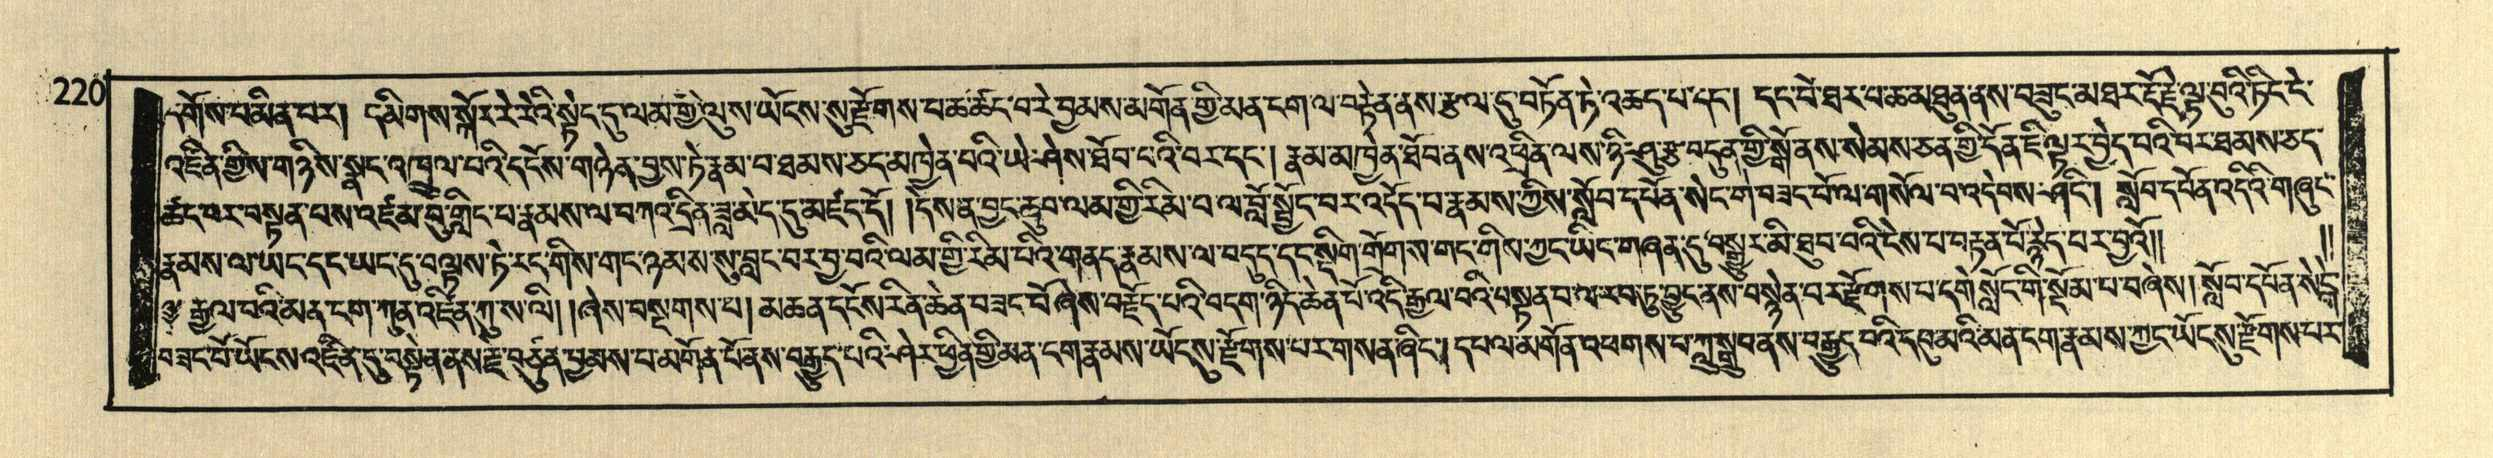དགོས་པ་མིན་པར། དམིགས་སྐོར་རེ་རེའི་སྟེང་དུ་ལམ་གྱི་ལུས་ཡོངས་སུ་རྫོགས་པར་ཆ་ཚང་བ་རེ་བྱམས་མགོན་གྱི་མན་ངག་ལ་བརྟེན་ནས་རྩལ་དུ་བཏོན་ཏེ་འཆད་པ་དང་། དང་པོ་ཐར་པ་ཆ་མཐུན་ནས་བཟུང་མཐར་རྡོ་རྗེ་ལྟ་བུའི་ཏིང་ངེ་
འཛིན་གྱིས་གཉིས་སྣང་འཁྲུལ་བའི་དངོས་གཉེན་བྱས་ཏེ་རྣམ་པ་ཐམས་ཅད་མཁྱེན་པའི་ཡེ་ཤེས་ཐོབ་པའི་བར་དང་། རྣམ་མཁྱེན་ཐོབ་ནས་འཕྲིན་ལས་ཉི་ཤུ་རྩ་བདུན་གྱི་སྒོ་ནས་སེམས་ཅན་གྱི་དོན་ཇི་ལྟར་བྱེད་པའི་བར་ཐམས་ཅད་
ཚང་བར་བསྟན་པས་འཛམ་བུ་གླིང་པ་རྣམས་ལ་བཀའ་དྲིན་ཟླ་མེད་དུ་མཛད་དོ། །དེས་ན་བྱང་ཆུབ་ལམ་གྱི་རིམ་པ་ལ་བློ་སྦྱོང་བར་འདོད་པ་རྣམས་ཀྱིས་སློབ་དཔོན་སེང་གེ་བཟང་པོ་ལ་གསོལ་བ་འདེབས་ཤིང་། སློབ་དཔོན་འདིའི་གཞུང་
རྣམས་ལ་ཡང་དང་ཡང་དུ་བལྟས་ཏེ་རང་གིས་གང་ཉམས་སུ་བླང་བར་བྱ་བའི་ལམ་གྱི་རིམ་པའི་གནད་རྣམས་ལ་བདུད་དང་སྡིག་གྲོགས་གང་གིས་ཀྱང་ཡིད་བཞིན་དུ་བསྒྱུར་མི་ཐུབ་པའི་ངེས་པ་བརྟན་པོ་རྙེད་པར་བྱའོ།། །།
༈ རྒྱལ་བའི་མན་ངག་ཀུན་འཛིན་ཀུ་ས་ལི། །ཞེས་བསྔགས་པ། མཆན་དངོས་རིན་ཆེན་བཟང་པོ་ཞེས་བརྗོད་པའི་བདག་ཉིད་ཆེན་པོ་འདི་རྒྱལ་བའི་བསྟན་པ་ལ་རབ་ཏུ་བྱུང་ནས་བསྙེན་པར་རྫོགས་པ་དགེ་སློང་གི་སྡོམ་པ་བཞེས། སློབ་དཔོན་སེངྒེ་
བཟང་པོ་ཡོངས་འཛིན་དུ་བསྟེན་ནས་རྗེ་བཙུན་བྱམས་པ་མགོན་པོ་ནས་བརྒྱུད་པའི་ཤེར་ཕྱིན་གྱི་མན་ངག་རྣམས་ཡོངས་སུ་རྫོགས་པར་གསན་ཞིང་། དཔལ་མགོན་འཕགས་པ་ཀླུ་སྒྲུབ་ནས་བརྒྱུད་བའི་དབུ་མའི་མན་ངག་རྣམས་ཀྱང་ཡོང་སུ་རྫོགས་པར་